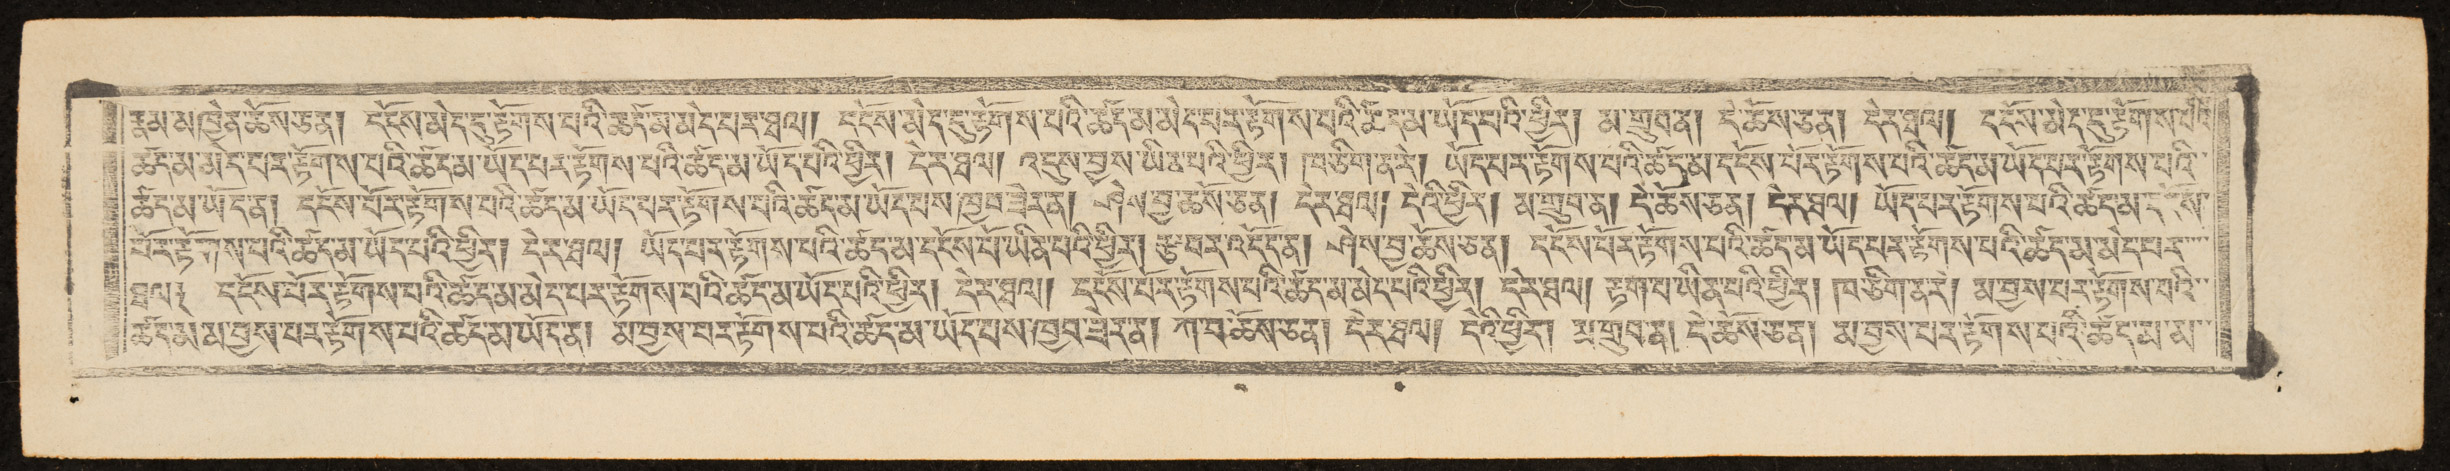རྣམ་མཁྱེན་ཆོས་ཅན། དངོས་མེད་དུ་རྟོགས་པའི་ཚད་མ་མེད་པར་ཐལ། དངོས་མེད་དུ་རྟོགས་པའི་ཚད་མ་མེད་པར་རྟོགས་པའི་ཚད་མ་ཡོད་པའི་ཕྱིར། མ་གྲུབ་ན། དེ་ཆོས་ཅན། དེར་ཐལ་དངོས་མེད་དུ་རྟོགས་པའི་
ཚད་མ་མེད་པར་རྟོགས་པའི་ཚད་མ་ཡོད་པར་རྟོགས་པའི་ཚད་མ་ཡོད་པའི་ཕྱིར། དེར་ཐལ། འདུས་བྱས་ཡིན་པའི་ཕྱིར། ཁ་ཅིག་ན་རེ། ཡོད་པར་རྟོགས་པའི་ཚད་མ་དངོས་པོར་རྟོགས་པའི་ཚད་མ་ཡོད་པར་རྟོགས་པའི་
ཚད་མ་ཡོད་ན། དངོས་པོར་རྟོགས་པའི་ཚད་མ་ཡོད་པར་རྟོགས་པའི་ཚད་མ་ཡོད་པས་ཁྱབ་ཟེར་ན། ཤེས་བྱ་ཆོས་ཅན། དེར་ཐལ། དེའི་ཕྱིར། མ་གྲུབ་ན། དེ་ཆོས་ཅན། དེར་ཐལ། ཡོད་པར་རྟོགས་པའི་ཚད་མ་དངོས་
པོར་རྟོགས་པའི་ཚད་མ་ཡོད་པའི་ཕྱིར། དེར་ཐལ། ཡོད་པར་རྟོགས་པའི་ཚད་མ་དངོས་པོ་ཡིན་པའི་ཕྱིར། རྩ་བར་འདོད་ན། ཤེས་བྱ་ཆོས་ཅན། དངོས་པོར་རྟོགས་པའི་ཚད་མ་ཡོད་པར་རྟོགས་པའི་ཚད་མ་མེད་པར་
ཐལ། དངོས་པོར་རྟོགས་པའི་ཚད་མ་མེད་པར་རྟོགས་པའི་ཚད་མ་ཡོད་པའི་ཕྱིར། དེར་ཐལ། དངོས་པོར་རྟོགས་པའི་ཚད་མ་མེད་པའི་ཕྱིར། དེར་ཐལ། རྟག་པ་ཡིན་པའི་ཕྱིར། ཁ་ཅིག་ན་རེ། མ་བྱས་པར་རྟོགས་པའི་
ཚད་མ་མ་བྱས་པར་རྟོགས་པའི་ཚད་མ་ཡོད་ན། མ་བྱས་པར་རྟོགས་པའི་ཚད་མ་ཡོད་པས་ཁྱབ་ཟེར་ན། ཀ་བ་ཆོས་ཅན། དེར་ཐལ། དེའི་ཕྱིར། མ་གྲུབ་ན། དེ་ཆོས་ཅན། མ་བྱས་པར་རྟོགས་པའི་ཚད་མ་མ་